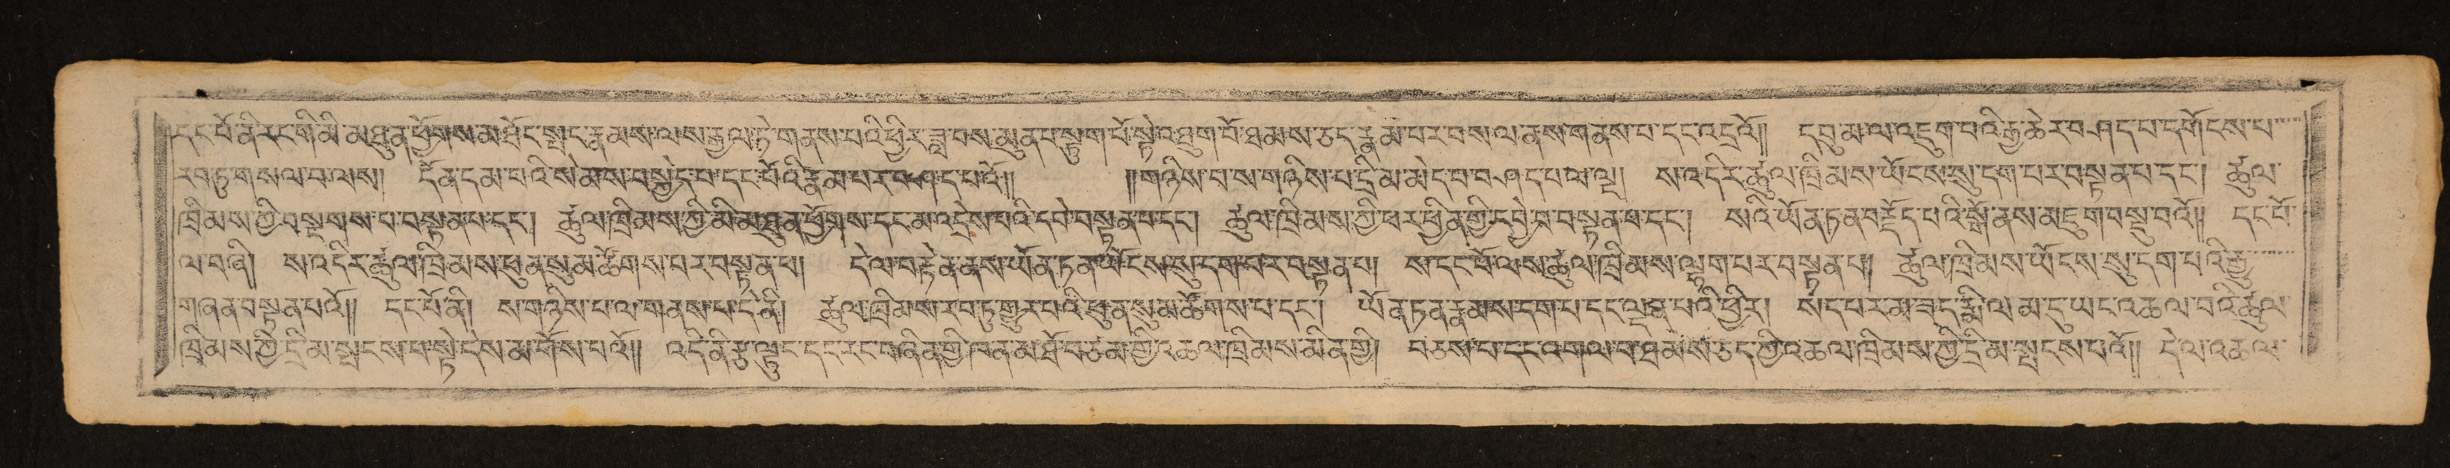དང་པོ་ནི་རང་གི་མི་མཐུན་ཕྱོགས་མཐོང་སྤང་རྣམས་ལས་རྒྱལ་ཏེ་གནས་པའི་ཕྱིར་ཟླ་བས་མུན་པ་སྟུག་པོ་སྟེ་འཐུག་པོ་ཐམས་ཅད་རྣམ་པར་བསལ་ནས་གནས་པ་དང་འདྲའོ།། དབུ་མ་ལ་འཇུག་པའི་རྒྱ་ཆེར་བཤད་པ་དགོངས་པ་
རབ་ཏུ་གསལ་བ་ལས། དོན་དམ་པའི་སེམས་བསྐྱེད་པ་དང་པོའི་རྣམ་པར་བཤད་པའོ།། །།གཉིས་པས་གཉིས་པ་དྲི་མ་མེད་པ་བཤད་པ་ལ་ལྔ། ས་འདིར་ཚུལ་ཁྲིམས་ཡོངས་སུ་དག་པར་བསྟན་པ་དང་། ཚུལ་
ཁྲིམས་ཀྱི་བསྔགས་པ་བསྟན་པ་དང་། ཚུལ་ཁྲིམས་ཀྱི་མི་མཐུན་ཕྱོགས་དང་མ་འདྲེས་པའི་དཔེ་བསྟན་པ་དང་། ཚུལ་ཁྲིམས་ཀྱི་ཕར་ཕྱིན་གྱི་དབྱེ་བ་བསྟན་པ་དང་། སའི་ཡོན་ཏན་བརྗོད་པའི་སྒོ་ནས་མཇུག་བསྡུ་བའོ།། དང་པོ་
ལ་བཞི། ས་འདིར་ཚུལ་ཁྲིམས་ཕུན་སུམ་ཚོགས་པར་བསྟན་པ། དེ་ལ་བརྟེན་ནས་ཡོན་ཏན་ཡོངས་སུ་དག་པར་བསྟན་པ། ས་དང་པོ་ལས་ཚུལ་ཁྲིམས་ལྷག་པར་བསྟན་པ། ཚུལ་ཁྲིམས་ཡོངས་སུ་དག་པའི་རྒྱུ་
གཞན་བསྟན་པའོ།། དང་པོ་ནི། ས་གཉིས་པ་ལ་གནས་པ་དེ་ནི། ཚུལ་ཁྲིམས་རབ་ཏུ་གྱུར་པའི་ཕུན་སུམ་ཚོགས་པ་དང་། ཡོན་ཏན་རྣམས་དག་པ་དང་ལྡན་པའི་ཕྱིར། སད་པར་མ་ཟད་རྨི་ལམ་དུ་ཡང་འཆལ་པའི་ཚུལ་
ཁྲིམས་ཀྱི་དྲི་མ་སྤངས་པ་སྟེ་དེས་མ་གོས་པའོ།། འདི་ནི་རྩ་ལྟུང་དང་རང་བཞིན་གྱི་ཁ་ན་མ་ཐོ་བ་ཙམ་གྱི་འཆལ་ཁྲིམས་མིན་གྱི། བཅས་པ་དང་འགལ་བ་ཐམས་ཅད་ཀྱི་འཆལ་ཁྲིམས་ཀྱི་དྲི་མ་སྤངས་པའོ།། དེ་ལ་འཆལ་